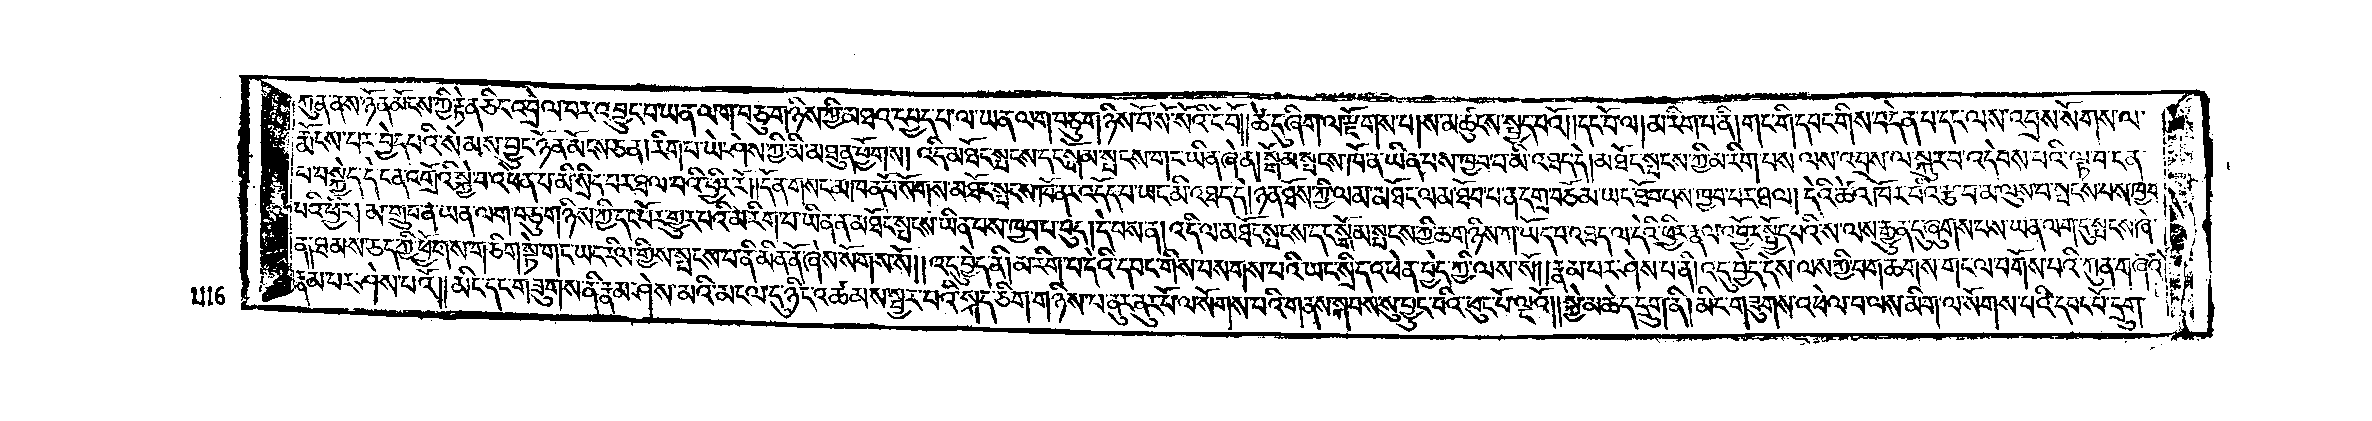ཀུན་ནས་ཉོན་མོངས་ཀྱི་རྟེན་ཅིང་འབྲེལ་བར་འབྱུང་བ་ཡན་ལག་བཅུ་གཉིས་ཀྱི་མཐའ་དཔྱད་པ་ལ་ཡན་ལག་བཅུ་གཉིས་པོ་སོ་སོའི་ངོ་བོ། །ཚེ་དུ་ཞིག་ལ་རྫོགས་པ། ས་མཚུངས་སྤྱད་པའོ། །དང་པོ་ལ། མ་རིག་པ་ནི། གང་གི་དབང་གིས་བདེན་པ་དང་ལས་འབྲས་སོགས་ལ་
རྨོངས་པར་བྱེད་པའི་སེམས་བྱུང་ཉོན་མོངས་ཅན། རིག་པ་ཡེ་ཤེས་ཀྱི་མི་མཐུན་ཕྱོགས། འདི་མཐོང་སྤངས་དང་སྒོམ་སྤངས་གང་ཡིན་ཞེ་ན། སྒོམ་སྤངས་ཁོ་ན་ཡིན་པས་ཁྱབ་པ་མི་འཐད་དེ། མཐོང་སྤངས་ཀྱི་མ་རིག་པས་ལས་འབྲས་ལ་སྐུར་བ་འདེབས་པའི་ལྟ་བ་ངན་
པ་བསྐྱེད་དེ་ངན་འགྲོའི་སྐྱེ་བ་འཕེན་པ་མི་སྲིད་པར་ཐལ་བའི་ཕྱིར་རོ། །དོན་གསང་མཁན་པོ་སོགས་མཐོང་སྤངས་ཁོ་ནར་འདོད་པ་ཡང་མི་འཐད་དེ། ཉན་ཐོས་ཀྱི་ལམ་མཐོང་ལམ་ཐོབ་པ་ན་དགྲ་བཅོམ་ཡང་ཐོབ་པས་ཁྱབ་པར་ཐལ། དེའི་ཚེ་འཁོར་བའི་རྩ་བ་མ་ལུས་པ་སྤངས་པས་ཁྱབ་
པའི་ཕྱིར། མ་གྲུབ་ན་ཡན་ལག་བཅུ་གཉིས་ཀྱི་དང་པོར་གྱུར་བའི་མ་རིག་པ་ཡིན་ན་མཐོང་སྤངས་ཡིན་པས་ཁྱབ་པ་བུད། དེ་བས་ན། འདི་ལ་མཐོང་སྤངས་དང་སྒོམ་སྤངས་ཀྱི་ཆ་གཉིས་ཀ་ཡོད་པ་འཐད་ལ་དེའི་ཕྱིར་རྣལ་འབྱོར་སྤྱོད་པའི་ས་ལས་རྒྱུན་དུ་ཞུགས་པས་ཡན་ལག་དུ་སྤངས་ཞེ་
ན༑ ཐམས་ཅད་ཕྱོགས་གཅིག་སྟེ་གང་ཡང་རིལ་གྱིས་སྤངས་པ་ནི་མིན་ནོ་ཞེས་སོགས་སོ། །འདུ་བྱེད་ནི། མ་རིག་པ་དེའི་དབང་གིས་བསགས་པའི་ཡང་སྲིད་འཕེན་བྱེད་ཀྱི་ལས་སོ། །རྣམ་པར་ཤེས་པ་ནི། འདུ་བྱེད་དེས་ལས་ཀྱི་བག་ཆགས་གང་ལ་བགོས་པའི་ཀུན་གཞིའི་
རྣམ་པར་ཤེས་པའོ། །མིང་དང་གཟུགས་ནི་རྣམ་ཤེས་མའི་མངལ་དུ་ཉིད་འཚམས་སྦྱར་བའི་སྐད་ཅིག་གཉིས་པ་ནུར་ནུར་པོ་ལ་སོགས་པའི་གནས་སྐབས་སུ་བྱུང་བའི་ཕུང་པོ་ལྔའོ། །སྐྱེ་མཆེད་དྲུག་ནི། མིང་གཟུགས་འཕེལ་བ་ལས་མིག་ལ་སོགས་པའི་དབང་པོ་དྲུག་